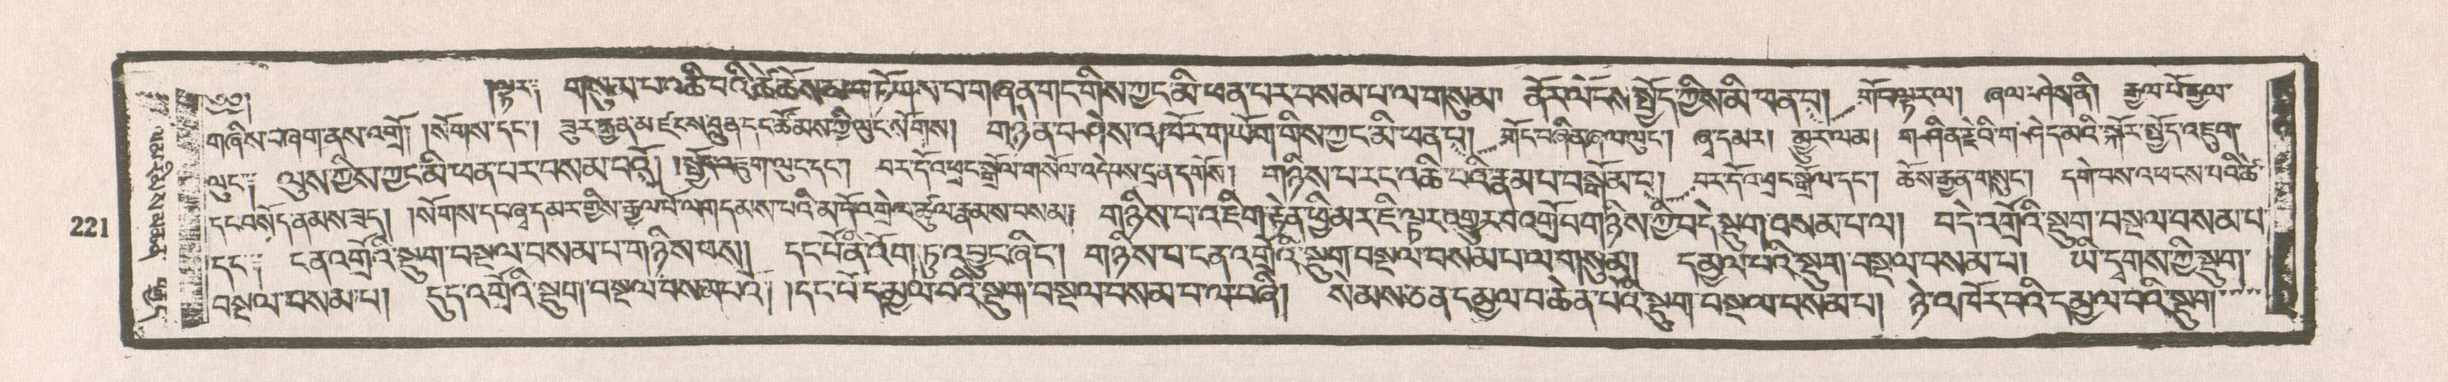༄༅། ། ལྟར༑  གསུམ་པ་འཆི་བའི་ཚེ་ཆོས་མ་གཏོགས་པ་གཞན་གང་གིས་ཀྱང་མི་ཕན་པར་བསམ་པ་ལ་གསུམ། ནོར་ལོངས་སྤྱོད་ཀྱིས་མི་ཕན་པ། གོང་ལྟར་ལ། ཞལ་ཤེས་ནི། རྒྱལ་པོ་རྒྱལ
གཞིས་བཞག་ནས་འགྲོ། །སོགས་དང་། ཟུར་རྒྱན་མཛངས་བླུན་དང་ཚོམས་ཀྱི་ལུང་སོགས།  གཉེན་བཤེས་འཁོར་གཡོག་གིས་ཀྱང་མི་ཕན་པ། གོང་བཞིན་ཞལ་ལུང་། ཞྭ་དམར། མྱུར་ལམ། གཤིན་རྗེའི་གཤེད་མའི་སྐོར་སྤྱོད་འཇུག
ལུང༑ ལུས་ཀྱིས་ཀྱང་མི་ཕན་པར་བསམ་པའོ། ། སྤྱོད་འཇུག་ལུང་དང་། བར་དོ་འཕྲང་སྒྲོལ་གསོལ་འདེབས་དྲན་དགོས།  གཉིས་པ་རང་འཆི་བའི་རྣམ་པ་བསྒོམ་པ། བར་དོ་འཕྲང་སྒྲོལ་དང་། ཆོས་རྒྱན་གསུང་། དགེ་བས་འཕངས་པའི་ཚེ
དང་བསོད་ནམས་ཟད། །སོགས་དང་ཞྭ་དམར་གྱིས་རྒྱལ་པོ་ལ་གདམས་པའི་མདོ་འགྲེལ་ཚུལ་རྣམས་བསམ།  གཉིས་པ་འཇིག་རྟེན་ཕྱི་མར་ཇི་ལྟར་འགྱུར་བ་འགྲོ་བ་གཉིས་ཀྱི་བདེ་སྡུག་བསམ་པ་ལ། བདེ་འགྲོའི་སྡུག་བསྔལ་བསམ་པ་
དང༑ ངན་འགྲོའི་སྡུག་བསྔལ་བསམ་པ་གཉིས་ལས། དང་པོ་ནི་འོག་ཏུ་འབྱུང་ཞིང་། གཉིས་པ་ངན་འགྲོའི་སྡུག་བསྔལ་བསམ་པ་ལ་གསུམ། དམྱལ་བའི་སྡུག་བསྔལ་བསམ་པ། ཡི་དྭགས་ཀྱི་སྡུག་
བསྔལ་བསམ་པ། དུད་འགྲོའི་སྡུག་བསྔལ་བསམ་པའོ། །དང་པོ་དམྱལ་བའི་སྡུག་བསྔལ་བསམ་པ་ལ་བཞི། སེམས་ཅན་དམྱལ་བ་ཆེན་པོའི་སྡུག་བསྔལ་བསམ་པ། ཉེ་འཁོར་བའི་དམལ་བའི་སྡུག་